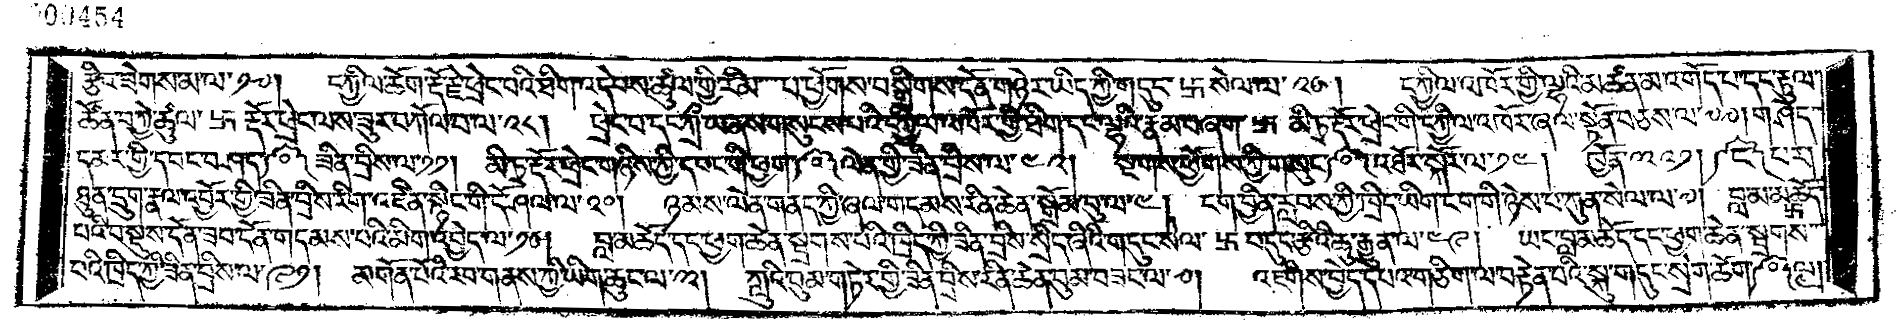རྩའི་ཟེགས་མ་ལ ༡༦། དཀྱིལ་ཆོག་རྡོ་རྗེ་ཕྲེང་བའི་བའི་ཐིག་འདེབས་ཚུལ་གྱི་རིམ་པ་ཕྱོགས་བསྒྲིགས་དོན་གཉེར་ཡིད་ཀྱི་གདུང་སེལ་ལ ༢༦། དཀྱིལ་འཁོར་གྱི་ལྷའི་མཚན་མ་འགོད་པ་དང་རྟུལ་
ཚོན་བ་ཀྱེ་ཚུལ་རྡོར་ཕྲེང་ལས་ཟུར་བཀོལ་བ་ལ ༢༨། ཕྲེང་བ་དང་ཀྲྀ་ཡ་ནས་གསུངས་པའི་དཀྱིལ་འཁོར་གྱི་ཐིག་དང་ལྷའི་རྣམ་བཞག་མི་ཏྲ་རྡོར་ཕྲེང་གི་དཀྱིལ་འཁོར་ཞལ་སྟོན་བཅས་ལ ༧༧། གཤེད་
དམར་གྱི་དབང་བཤད ༼྾༽ ཟིན་བྲིས་ལ ༡༡། མི་ཏྲ་རྡོར་ཕྲེང་གཉིས་ཀྱི་དབང་གི་ཕྱག ༼྾༽ ལེན་གྱི་ཟིན་བྲིས་ལ ༤༢། སྔགས་ཕྱོགས་ཀྱི་གསུང ༼྾༽ འཐོར་སྐོར་ལ ༡༤། ཁྱོན ༣༢༡། ༼ང༽ པར།
ཐུན་དྲུག་རྣལ་འབྱོར་གྱི་ཟིན་བྲིས་རིག་འཛིན་སྙིང་གི་དོ་ཤལ་ལ ༢༠། ཉམས་ལེན་གནད་ཀྱི་ཞལ་གདམས་རིན་ཆེན་སྒྲོམ་བུ་ལ ༤། ངག་བྱིན་རླབས་ཀྱི་ཁྲིད་ཡིག་ངག་གི་ཉེས་པ་ཀུན་སེལ་ལ ༧། བླ་མ་མཆོད་
པའི་བསྡུས་དོན་ཟབ་དོན་གདམས་པའི་མིག་འབྱེད་ལ ༡༦། བླ་མཆོད་དང་ཕྱག་ཆེན་སྦྲགས་པའི་ཁྲིད་ཀྱི་ཟིན་བྲིས་སྲིད་ཞིའི་གདུང་སེལ་བདུད་རྩིའི་ཆུ་རྒྱུན་ལ ༤༩། ཡང་བླ་མཆོད་དང་ཕྱག་ཆེན་སྦྲགས་
པའི་ཁྲིད་ཀྱི་ཟིན་བྲིས་ལ ༩༡། མགོན་པོའི་རབ་གནས་ཀྱི་ཡིག་ཆུང་ལ ༣། ཀླུའི་བུམ་གཏེར་གྱི་ཟིན་བྲིས་རིན་ཆེན་བུམ་བཟང་ལ ༦། འཇིགས་བྱེད་དཔའ་གཅིག་ལ་བརྟེན་པའི་སྐུ་གདུང་སྲེག་ཆོག ༼྾༽ ལ༤།